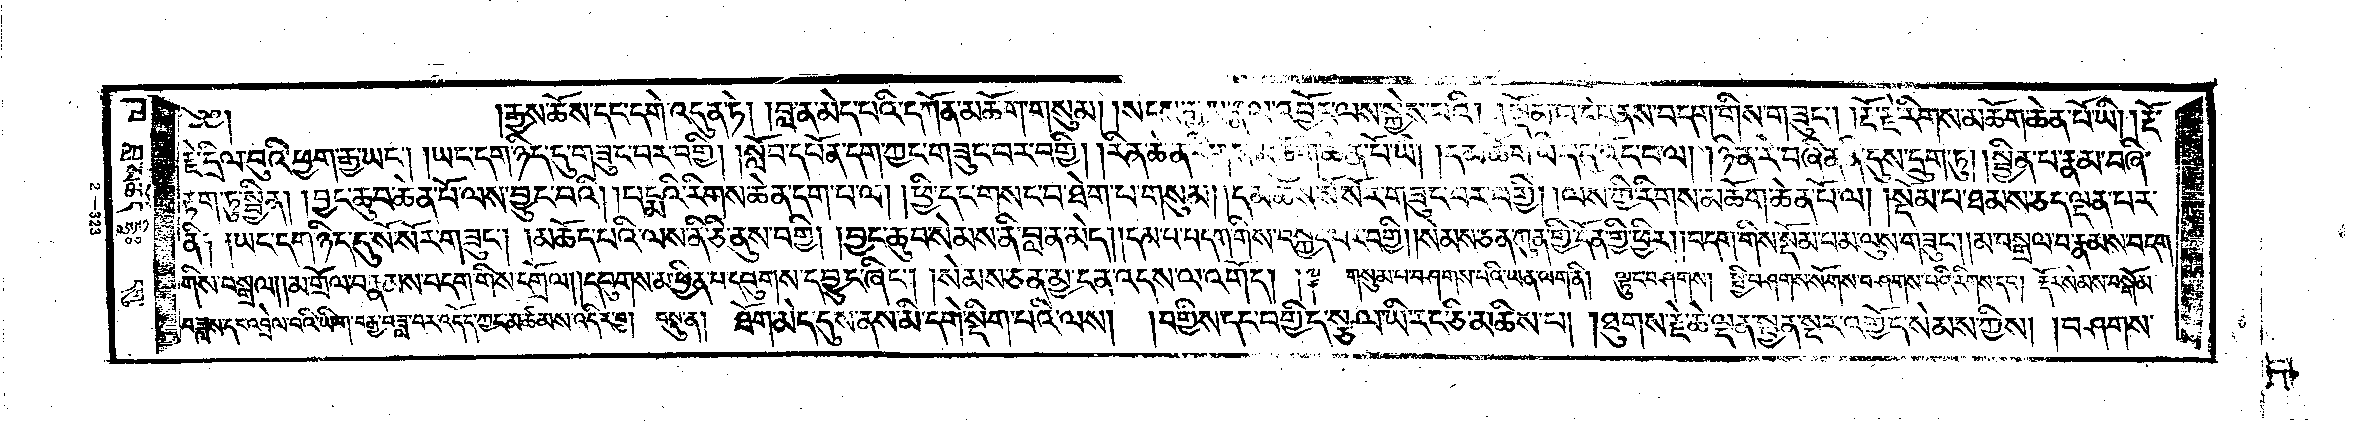༄༅། །རྒྱས་ཆོས་དང་དགེ་འདུན་ཏེ། །བླ་ན་མེད་པའི་དཀོན་མཆོག་གསུམ། །སངས་རྒྱས་རྣལ་འབྱོར་ལས་སྐྱེས་པའི། །སྡོམ་པ་དེང་ནས་བདག་གིས་གཟུང་། །རྡོ་རྗེ་རིགས་མཆོག་ཆེན་པོ་ཡི། །རྡོ་
རྗེ་དྲིལ་བུའི་ཕྱག་རྒྱ་ཡང་། །ཡང་དག་ཉིད་དུ་གཟུང་བར་བགྱི། །སློབ་དཔོན་དག་ཀྱང་གཟུང་བར་བགྱི། །རིན་ཆེན་རིགས་མཆོག་ཆེན་པོ་ཡི། །དམ་ཚིག་ཡིད་དུ་འོང་བ་ལ། །ཉིན་རེ་བཞིན་ནི་དུས་དྲུག་ཏུ། །སྦྱིན་པ་རྣམ་བཞི་
རྟག་ཏུ་སྦྱིན། །བྱང་ཆུབ་ཆེན་པོ་ལས་བྱུང་བའི། །པདམའི་རིགས་ཆེན་དག་པ་ལ། །ཕྱི་དང་གསང་བ་ཐེག་པ་གསུམ། །དམ་ཆོས་སོ་སོར་གཟུང་པར་བགྱི། །ལས་ཀྱི་རིགས་མཆོག་ཆེན་པོ་ལ། །སྡོམ་པ་ཐམས་ཅད་ལྡན་པར་
ནི༑ ༑ཡང་དག་ཉིད་དུ་སོ་སོར་གཟུང་། །མཆོད་པའི་ལས་ནི་ཅི་ནུས་བགྱི། །བྱང་ཆུབ་སེམས་ནི་བླ་ན་མེད། །དམ་པ་བདག་གིས་བསྐྱེད་པར་བགྱི། །སེམས་ཅན་ཀུན་གྱི་དོན་གྱི་ཕྱིར། །བདག་གིས་སྡོམ་པ་མ་ལུས་གཟུང་། །མ་བསྒྲལ་བ་རྣམས་བདག་
གིས་བསྒྲལ། །མ་གྲོལ་བ་རྣམས་བདག་གིས་དགྲོལ། །དབུགས་མ་ཕྱིན་པ་དབུགས་དབྱུང་ཞིང་། །སེམས་ཅན་མྱ་ངན་འདས་ལ་འགོད། །༈ གསུམ་པ་བཤགས་པའི་ཡན་ལག་ནི། ལྟུང་བཤགས། སྤྱི་བཤགས་སོགས་བཤགས་པའི་རིགས་དང་། རྡོར་སེམས་བསྒོམ་
བཟླས་དང་འབྲེལ་བའི་ཡིག་བརྒྱ་བཟླ་བར་འདོད་ཀྱང་མཚམས་འདིར་བྱ། བསྡུ་ན། ཐོག་མེད་དུས་ནས་མི་དགེ་སྡིག་པའི་ལས། །བགྱིས་དང་བགྱིད་སྩལ་ཡི་རང་ཅི་མཆིས་པ། །ཐུགས་རྗེ་ཆེ་ལྡན་སྤྱན་སྔར་འགྱོད་སེམས་ཀྱིས། །བཤགས་